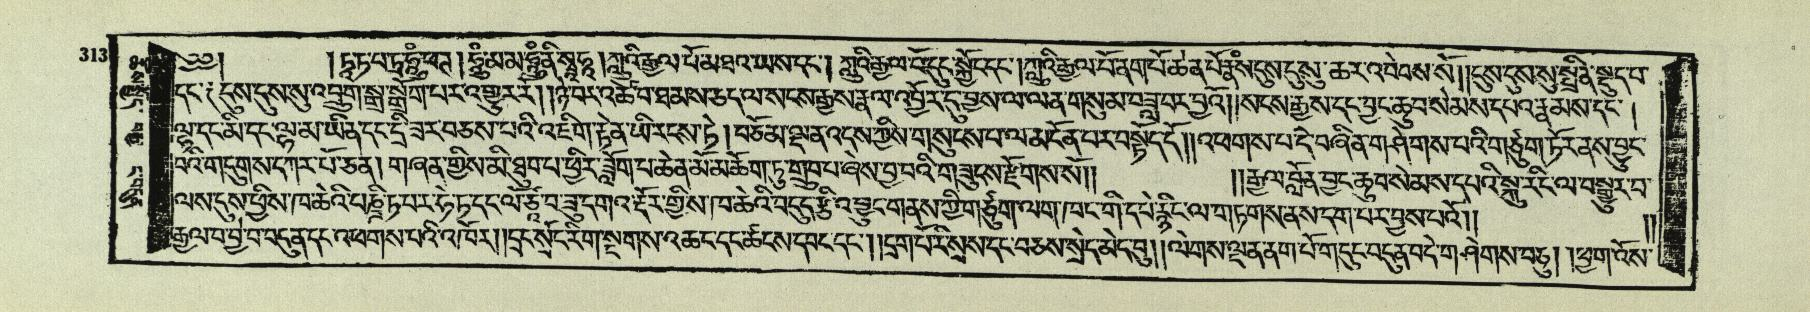༄༅། །ཏཱ་ཏ་པ་ཏྲ་ཧཱུཾ་ཕཊ། ཧཱུཾ་མ་མ་ཧཱུཾ་ནི་སྭཱཧཱ། ཀླུའི་རྒྱལ་པོ་མཐའ་ཡས་དང་། ཀླུའི་རྒྱལ་པོ་དུང་སྐྱོང་དང་། ཀླུའི་རྒྱལ་པོ་ནག་པོ་ཆེན་པོ་རྣཾས་དུས་དུ་སུ་ཆར་འབེབས་སོ། །དུས་དུས་སུ་སྤྲིན་སྡུད་པ་
དང༑ དུས་དུས་སུ་འབྲུག་སྒྲ་སྒྲོག་པར་འགྱུར་རོ། །ཉེ་བར་འཚེ་བ་ཐམས་ཅད་ལ་སངས་རྒྱས་རྣལ་འབྱོར་དུ་བྱས་ལ་ལན་གསུམ་བཟླ་བར་བྱའོ། །སངས་རྒྱས་དང་བྱང་ཆུབ་སེམས་དཔའ་རྣམས་དང་།
ལྷ་དང་མི་དང་ལྷ་མ་ཡིན་དང་དྲི་ཟར་བཅས་པའི་འཇིག་རྟེན་ཡི་རངས་ཏེ། བཅོམ་ལྡན་འདས་ཀྱིས་གསུངས་པ་ལ་མངོན་པར་བསྟོད་དོ། །འཕགས་པ་དེ་བཞིན་གཤེགས་པའི་གཙུག་ཏོར་ནས་བྱུང་
བའི་གདུགས་དཀར་པོ་ཅན། གཞན་གྱིས་མི་ཐུབ་པ་ཕྱིར་ཟློག་པ་ཆེན་མོ་མཆོག་ཏུ་གྲུབ་པ་ཞེས་བྱ་བའི་གཟུངས་རྫོགས་སོ།། །།རྒྱལ་བློན་བྱང་ཆུབ་སེམས་དཔའི་སྐུ་རིང་ལ་བསྒྱུར་བ་
ལས་དུས་ཕྱིས་ཁ་ཆེའི་པཎྚི་ཏ་པ་ར་ཧེ་ཏ་དང་ལོ་ཙཱ་བ་ཟུ་དགའ་རྡོར་གྱིས་ཁ་ཆེའི་བདུད་རྩི་འབྱུང་གནས་ཀྱི་གཙུག་ལག་ཁང་གི་དཔེ་རྙིང་ལ་གཏགས་ནས་དག་པར་བྱས་པའོ།། །།
རྒྱལ་བ་བྱེ་བ་བདུན་དང་འཕགས་པའི་འཁོར། །དྲང་སྲོང་རིག་སྔགས་འཆང་དང་ཚངས་དབང་དང་། །དྲག་པོ་རི་སྲས་དང་བཅས་སྲེད་མེད་བུ། །ལེགས་ལྡན་ནག་པོ་གདུང་བདུན་བདེ་གཤེགས་བཅུ། །ཕྱག་འོས་